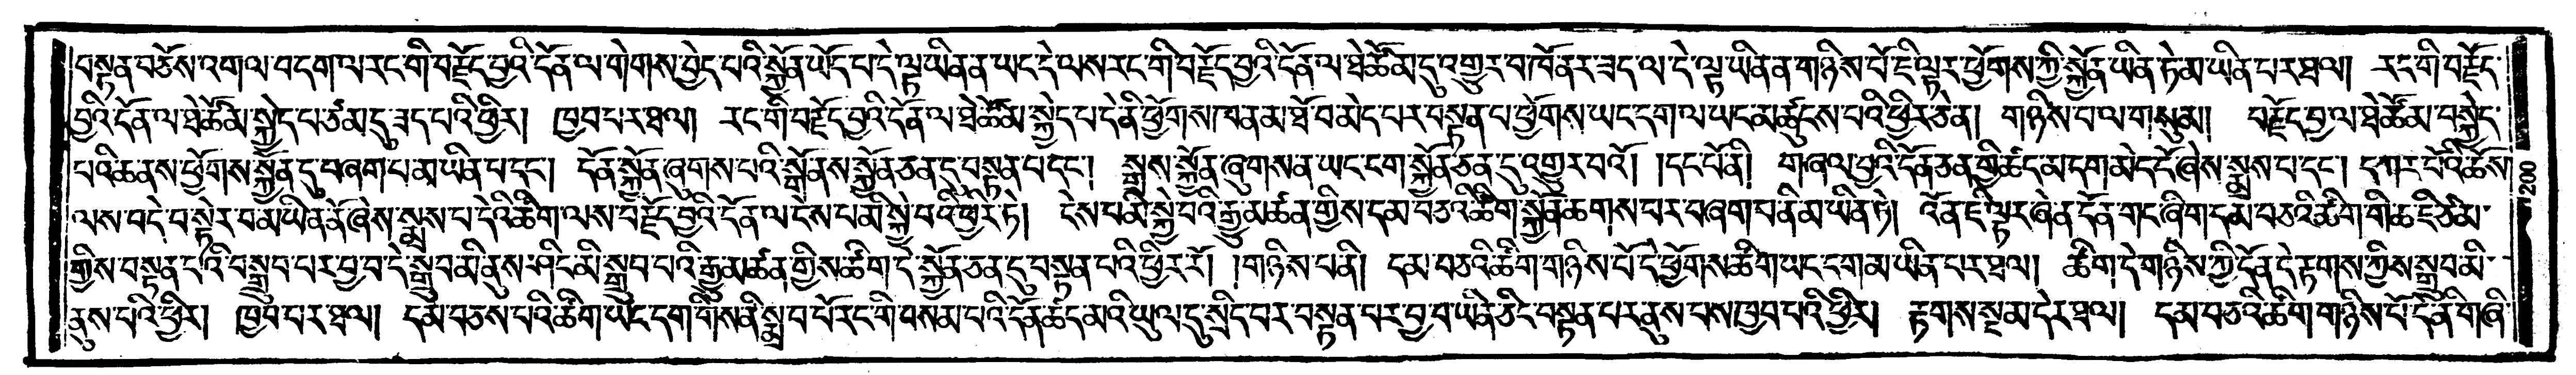བསྟན་བཅོས་འགལ་བདག་ལ་རང་གི་བརྗོད་བྱའི་དོན་ལ་གེགས་བྱེད་པའི་སྐྱོན་ཡོད་པ་དེ་ལྟ་ཡིན་ན་ཡང་དེ་ལས་རང་གི་བརྗོད་བྱའི་དོན་ལ་ཐེ་ཚོམ་དུ་འགྱུར་བ་ཁོ་ནར་ཟད་ལ་དེ་ལྟ་ཡིན་ན་གཉིས་པོ་ཇི་ལྟར་ཕྱོགས་ཀྱི་སྐྱོན་ཡིན་ཏེ་མ་ཡིན་པར་ཐལ། རང་གི་བརྗོད་
བྱའི་དོན་ལ་ཐེ་ཚོམ་སྐྱེད་པ་ཙམ་དུ་ཟད་པའི་ཕྱིར། ཁྱབ་པར་ཐལ། རང་གི་བརྗོད་བྱའི་དོན་ལ་ཐེ་ཚོམ་སྐྱེད་པ་དེ་ནི་ཕྱོགས་ཁ་ན་མ་ཐོ་བ་མེད་པར་བསྟན་པ་ཕྱོགས་ཡང་དག་ལ་ཡང་མཚུངས་པའི་ཕྱིར་ཅེ་ན། གཉིས་པ་ལ་གསུམ། བརྗོད་བྱ་ལ་ཐེ་ཚོམ་བསྐྱེད་
པའི་ཆ་ནས་ཕྱོགས་སྐྱོན་དུ་བཞག་པ་མ་ཡིན་པ་དང་། དོན་སྐྱོན་ཞུགས་པའི་སྒོ་ནས་སྐྱོན་ཅན་དུ་བསྟན་པ་དང་། སྒྲས་སྐྱོན་ཞུགས་ན་ཡང་ངག་སྐྱོན་ཅན་དུ་འགྱུར་བའོ། །དང་པོ་ནི། གཞལ་བྱའི་དོན་ཅན་གྱི་ཚད་མ་དག་མེད་དོ་ཞེས་སྨྲས་པ་དང་། དཀར་པོའི་ཆོས་
ལས་བདེ་བ་སྟེར་བ་མ་ཡིན་ནོ་ཞེས་སྨྲས་པ་དེའི་ཚིག་ལས་བརྗོད་བྱའི་དོན་ལ་ངེས་པ་མི་སྐྱེ་བའི་ཕྱིར་ཏེ། ངེས་པ་མི་སྐྱེ་བའི་རྒྱུ་མཚན་གྱིས་དམ་བཅའི་ཚིག་སྐྱོན་ཆགས་པར་བཞག་པ་ནི་མ་ཡིན་ཏེ། འོ་ན་ཇི་ལྟར་ཞེ་ན་དོན་གང་ཞིག་དམ་བཅའི་ཚིག་གི་ཆ་ཇི་ཙམ་
གྱིས་བསྟན་པའི་བསྒྲུབ་པར་བྱ་བ་དེ་སྒྲུབ་མི་ནུས་ཤིང་མི་སྒྲུབ་པའི་རྒྱུ་མཚན་གྱིས་ཚིག་དེ་སྐྱོན་ཅན་དུ་བསྟན་པའི་ཕྱིར་རོ། །གཉིས་པ་ནི། དམ་བཅའི་ཚིག་གཉིས་པོ་དེ་ཕྱོགས་ཚིག་ཡང་དག་མ་ཡིན་པར་ཐལ། ཚིག་དེ་གཉིས་ཀྱི་དོན་དེ་རྟགས་ཀྱིས་སྒྲུབ་མི་
ནུས་པའི་ཕྱིར། ཁྱབ་པར་ཐལ། དམ་བཅས་པའི་ཚིག་ཡང་དག་གིས་ནི་སྨྲ་བ་པོ་རང་གི་བསམ་པའི་དོན་ཚད་མའི་ཡུལ་དུ་སྲིད་པར་བསྟན་པར་བྱ་བ་ཡིན་ཅིང་བསྟན་པར་ནུས་པས་ཁྱབ་པའི་ཕྱིར། རྟགས་སྔ་མ་དེར་ཐལ། དམ་བཅའི་ཚིག་གཉིས་པོ་དེ་ནི་གཞི་